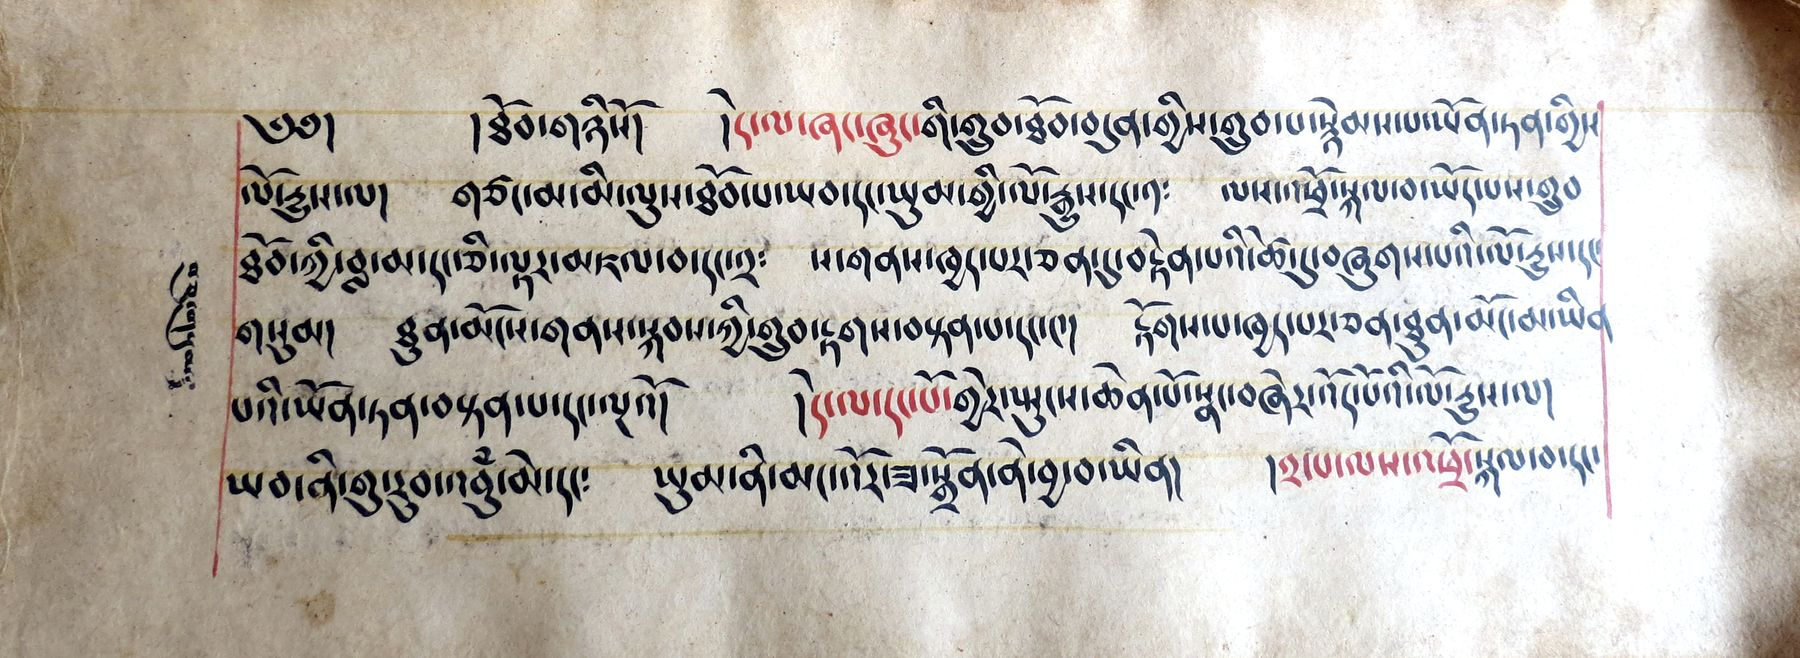ཐོབ་གཉིས་སོ། དེ་ལ་ཞུང་ཞུང་གི་གྲུབ་ཐོབ་བདུན་གྱི་གྲུབ་པ་བསྙེམས་པ་ཡོན་ཏན་གྱི་
ལོ་རྒྱུས་ལ། གཙང་མ་མི་ལུས་ཐོབ་པ་ཡབ་དང་ཡུམ་གྱི་ལོ་རྒྱུས་དང་གཅིག། ལས་འཕྲོ་སྐལ་པ་ཡོད་པས་གྲུབ་
ཐོབ་ཀྱི་བླ་མ་དང་ཅི་ལྟར་མཇལ་བ་དང་གཉིས། ས་གནས་ཁྱད་པར་ཅན་དུ་བརྟེན་པའི་ཚེ་དུ་བཞུགས་པའི་ལོ་རྒྱུས་དང་
གསུམ། ཐུན་མོང་གནས་སྐབས་ཀྱི་གྲུབ་རྟགས་བསྟན་པ་དང་བཞི། རྟོགས་པ་ཁྱད་པར་ཅན་ཐུན་མོང་མ་ཡིན་
པའི་ཡོན་ཏན་བསྟན་པ་དང་ལྔའོ། །དེ་ལ་དང་པོ་གྱེར་སྤུངས་ཆེན་པོ་སྣང་བཞེར་འོད་པོའི་ལོ་རྒྱུས་ལ། 
ཡབ་ནི་གུ་རུབ་འབུམ་མེ་དང་། ཡུམ་ནི་མང་འོར་ཟ་སྒྲོན་ནེ་བྱ་བ་ཡིན། གཉིས་པ་ལས་འཕྲོ་སྐལ་པ་དང་